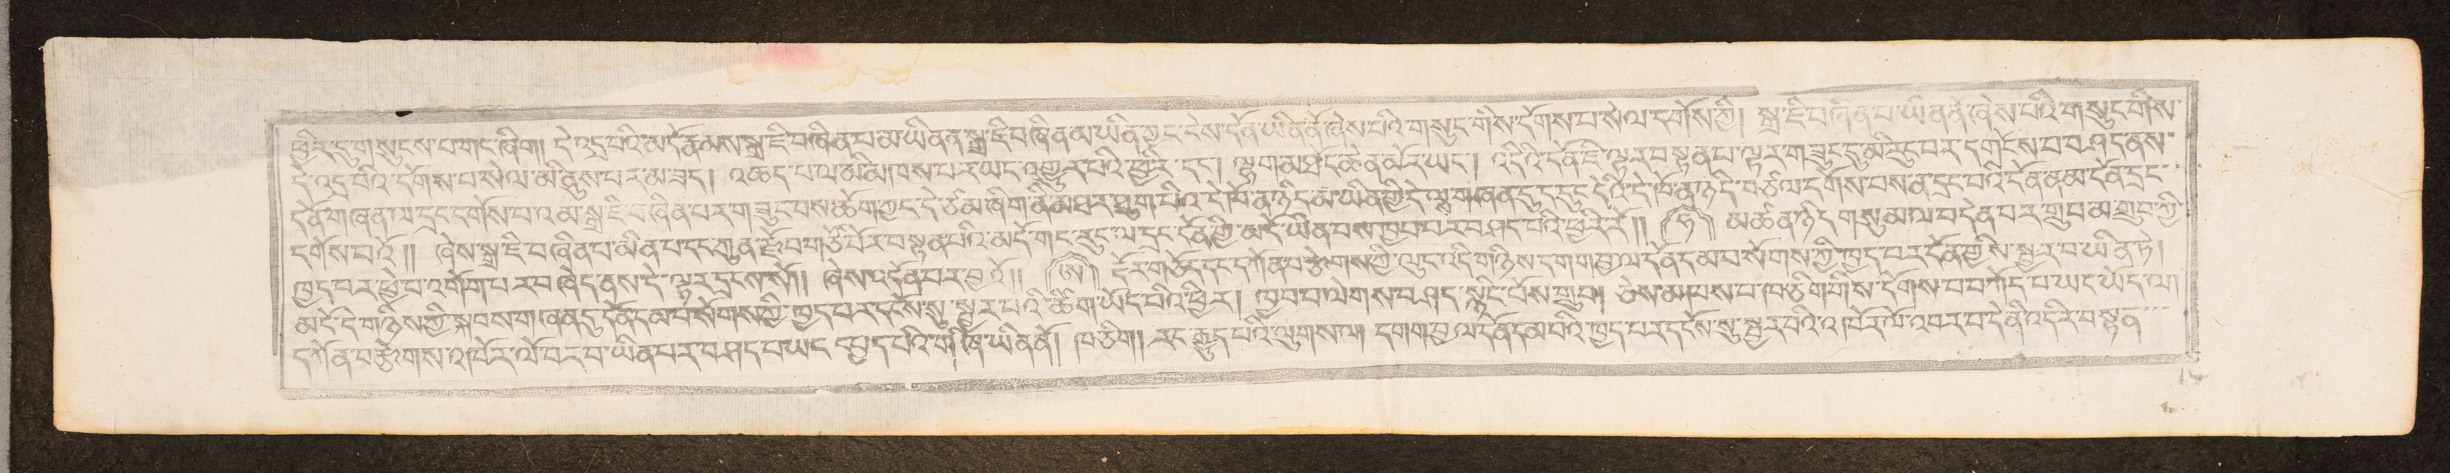ཕྱིར་དུ་གསུངས་པ་གང་ཞིག། དེ་འདྲ་བའི་མདོ་རྣམས་སྒྲ་ཇི་བཞིན་པ་མ་ཡིན་ན་སྒྲ་ཇི་བཞིན་མ་ཡིན་ཀྱང་ངེས་དོན་ཡིན་ནོ་ཞེས་པའི་གསུང་གིས་དོགས་པ་སེལ་དགོས་ཀྱི། སྒྲ་ཇི་བཞིན་པ་ཡིན་ནོ་ཞེས་པའི་གསུང་གིས་
དེ་འདྲ་བའི་དགོས་པ་སེལ་མི་ནུས་པར་མ་ཟད། འཆད་པ་ལ་མི་མཁས་པར་ཡང་འགྱུར་པའི་ཕྱིར་དང་། ལྷག་མཐོང་ཆེན་མོར་ཡང་། འདིའི་དོན་ཇི་ལྟར་བསྟན་པ་ལྟར་གཟུང་དུ་མི་རུང་བར་དགོངས་པ་བཤད་ནས་
དོན་གཞན་ལ་དྲང་དགོས་པའམ་སྒྲ་ཇི་བཞིན་པར་གཟུང་བས་ཆོག་ཀྱང་དེ་ཙམ་ཞིག་ནི་མཐར་ཐུག་པའི་དེ་ཁོ་ན་ཉིད་མ་ཡིན་གྱི་དེ་ལས་གཞན་དུ་ད་དུང་དེའི་དེ་ཁོ་ན་ཉིད་བཙལ་དགོས་པས་ན་དྲང་པའི་དོན་ནམ་དོན་དྲང་
དགོས་པའི། །ཞེས་སྒྲ་ཇི་བཞིན་པ་མིན་པ་དང་ཀུན་རྫོབ་གཙོ་བོར་བསྟན་པའི་མདོ་གང་རུང་ལ་དྲང་དོན་གྱི་མདོ་ཡིན་པས་ཁྱབ་པར་བཤད་པའི་ཕྱིར་རོ། །༼༽ཧ༼༽ མཚན་ཉིད་གསུམ་ལ་བདེན་པར་གྲུབ་མ་གྲུབ་ཀྱི་
ཁྱད་པར་ཕྱེ་བ་འགོག་པར་བཞེད་ནས་དེ་ལྟར་དྲང་སོ། །ཞེས་འདོན་པར་བྱའོ། །༼༽ཨ༼༽ རྡོར་གཅོད་དང་དཀོན་བ་རྩེགས་ཀྱི་ལུང་འདི་གཉིས་དགག་བྱ་ལ་དོན་དམ་པ་སོགས་ཀྱི་ཁྱད་པར་དོན་གྱིས་སྦྱར་བ་ཡིན་ཏེ།
མངོ་དེ་གཉིས་ཀྱི་སྐབས་གཞན་དུ་དོན་དམ་པ་སོགས་ཀྱི་ཁྱད་པར་དངོས་སུ་སྦྱར་བའི་ཚིག་ཡོད་པའི་ཕྱིར། ཁྱབ་པ་ལེགས་བཤད་སྙིང་པོས་གྲུབ། ཅེས་མཁས་པ་ཁ་ཅིག་གིས་དོགས་པ་བཀོད་པ་ཡང་ཡོད་ལ།
དཀོན་བརྩེགས་འཁོར་ལོ་བར་བ་ཡིན་པར་བཤད་པ་ཡང་དཔྱད་པའི་གཞི་ཡིན་ནོ། ཁ་ཅིག། རང་རྒྱུད་པའི་ལུགས་ལ། དགག་བྱ་ལ་དོན་དམ་པའི་ཁྱད་པར་དངོས་སུ་སྦྱར་བའི་འཁོར་ལོ་འབར་བ་ནི་འདིར་བསྟན་